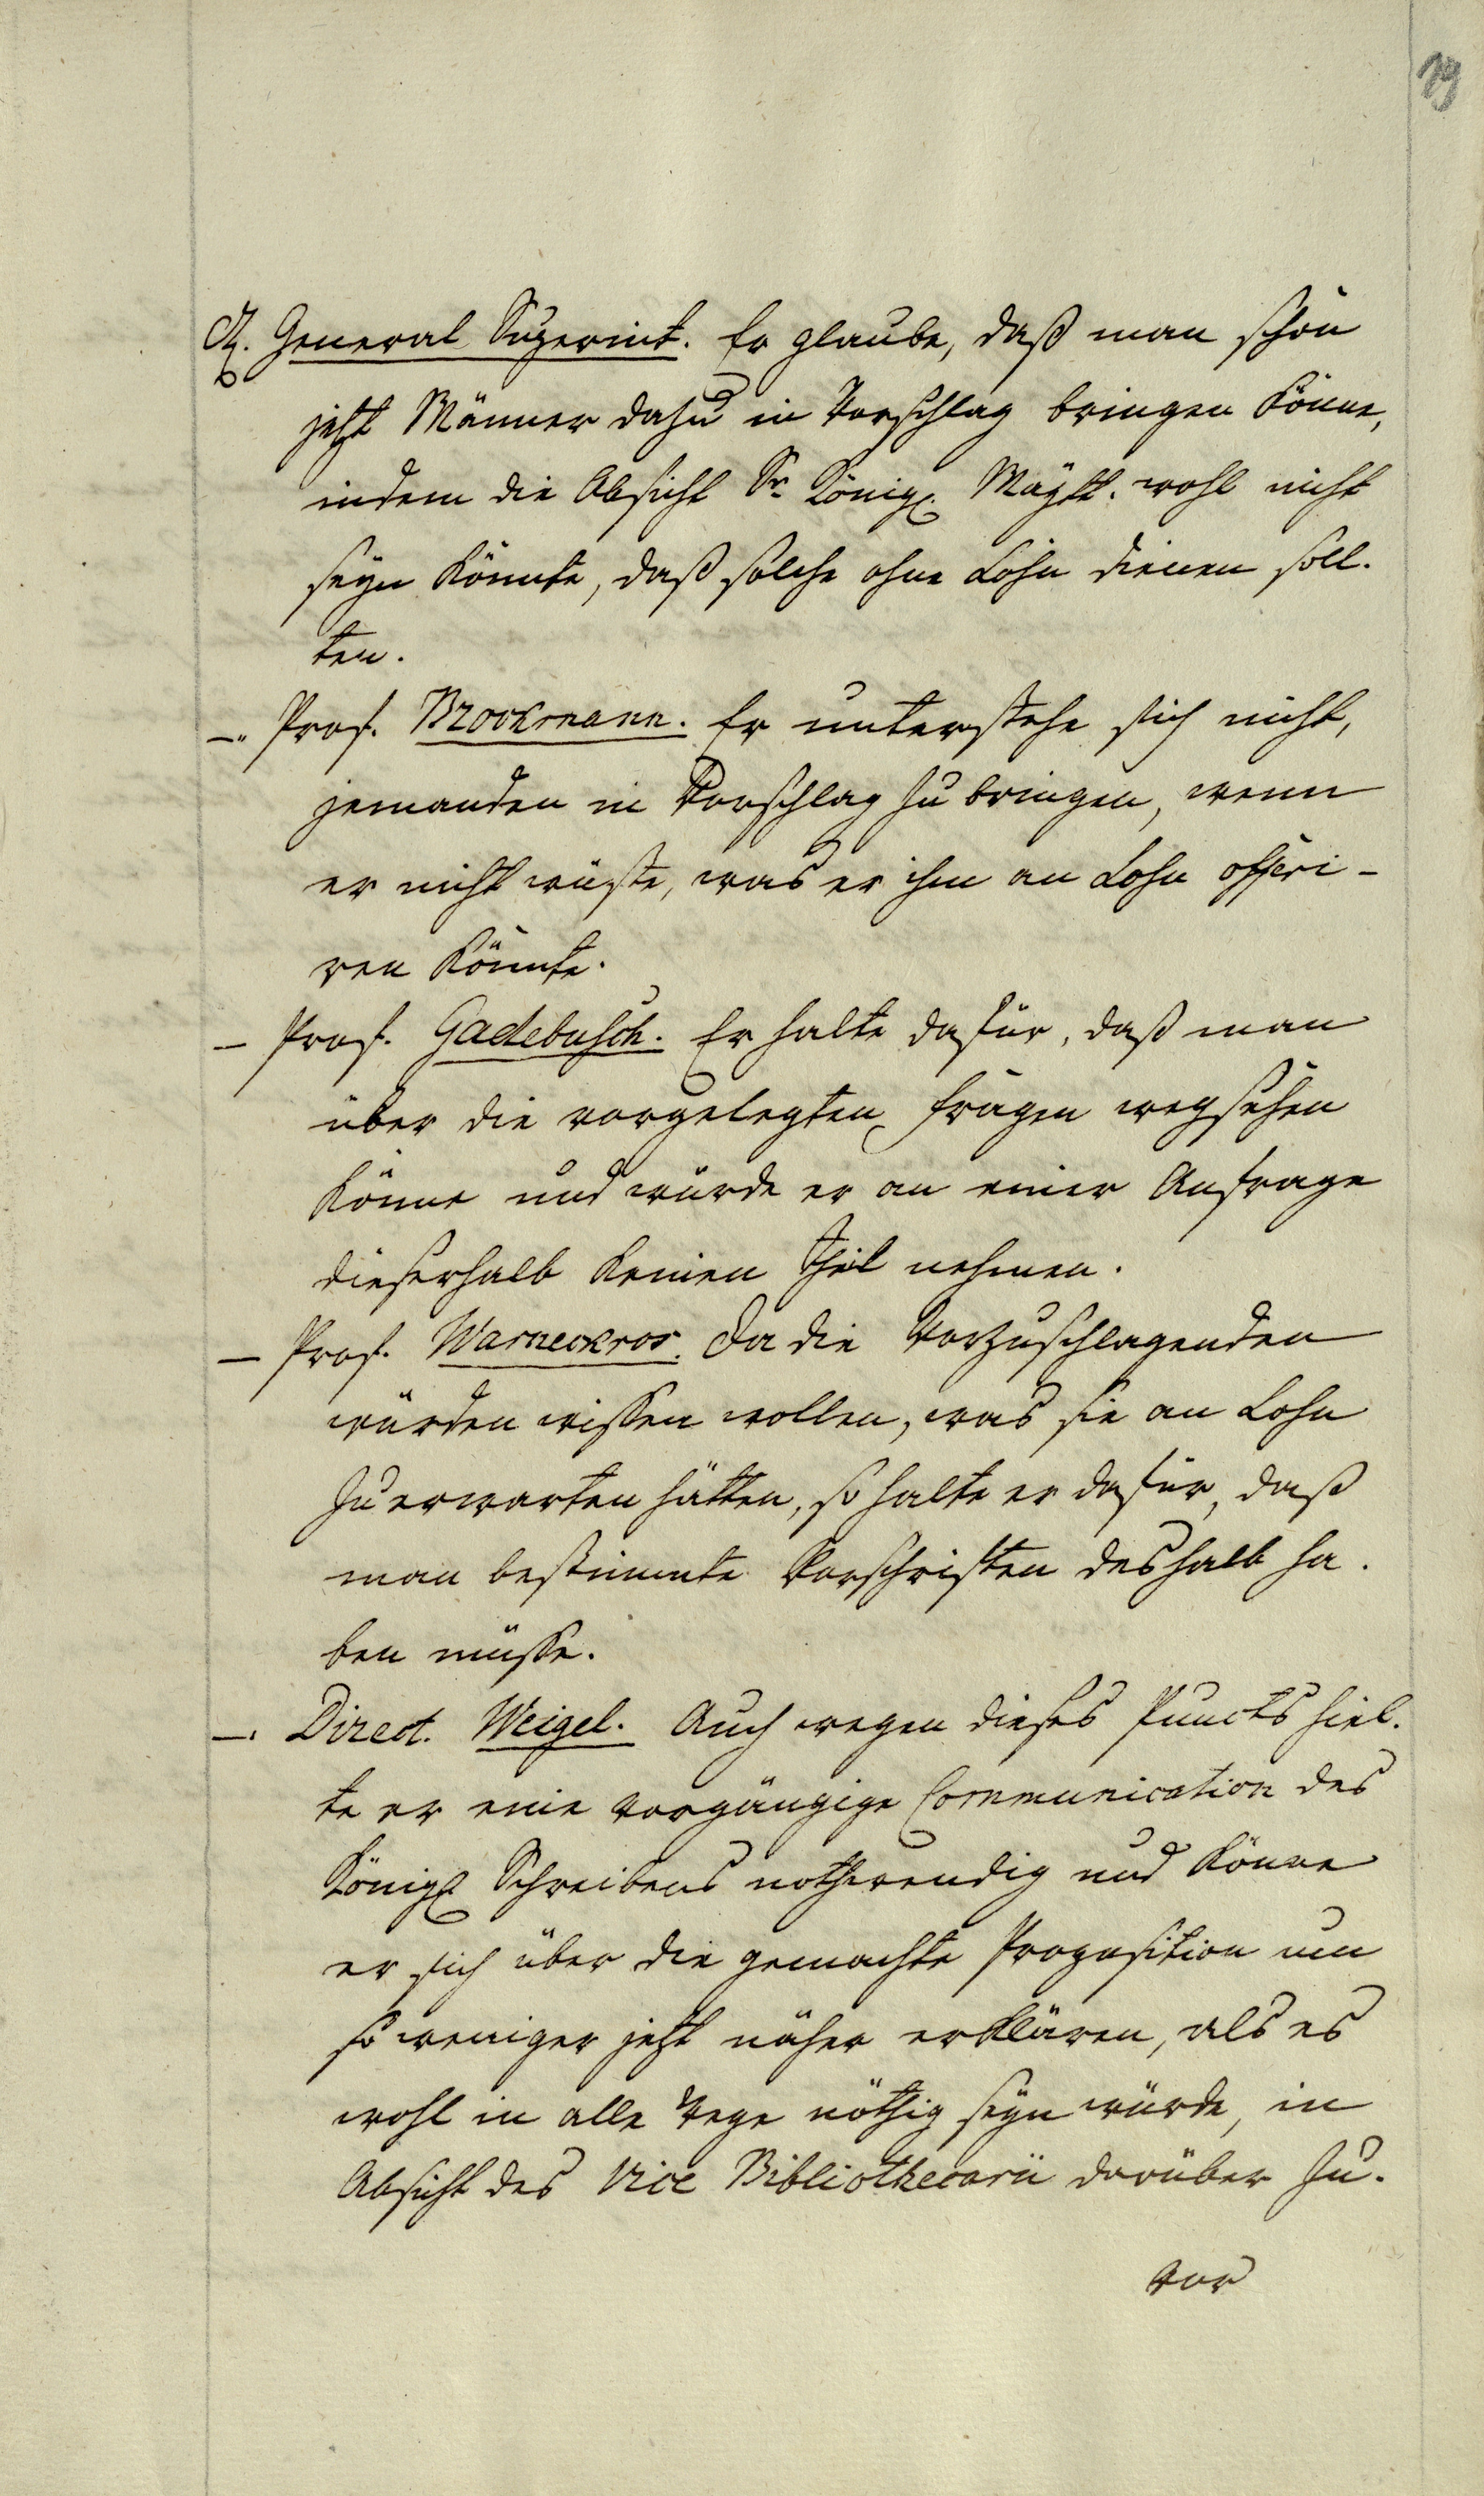dh. General Superint. Er glaube, daß man schon
jetzt Männer dazu in Vorschlag bringen könne,
indem die Absicht Sr. Königl. Maÿst. wohl nicht
seÿn könnte, daß solche ohne Lohn dienen soll¬
ten.
— " Prof. Brockmann. Er unterstehe sich nicht,
jemanden in Vorschlag zu bringen, wenn
er nicht wüsste, was er ihm an Lohn offeri¬
ren könnte.
— Prof. Gadebusch. Er halte dafür, daß man
über die vorgelegten Fragen wegsehen
könne und würde er an einer Anfrage
dieserhalb keinen Theil nehmen.
— Prof. Warneckros. Da die Vorzuschlagenden
würden wissen wollen, was sie an Lohn
zu erwarten hätten, so halte er dafür, daß
man bestimmte Vorschriften deshalb ha¬
ben müsse.
— . Direct. Weigel. Auch wegen dieses Puncts hiel¬
te er eine vorgängige Communication des
Königl. Schriebens nothwendig und könne
er sich über die gemachte Proposition um
so weniger jetzt näher erklären, als es
wohl in alle Tage nöthig seÿn würde, in
Absicht des Vice Bibliothecarii darüber zu¬
vor